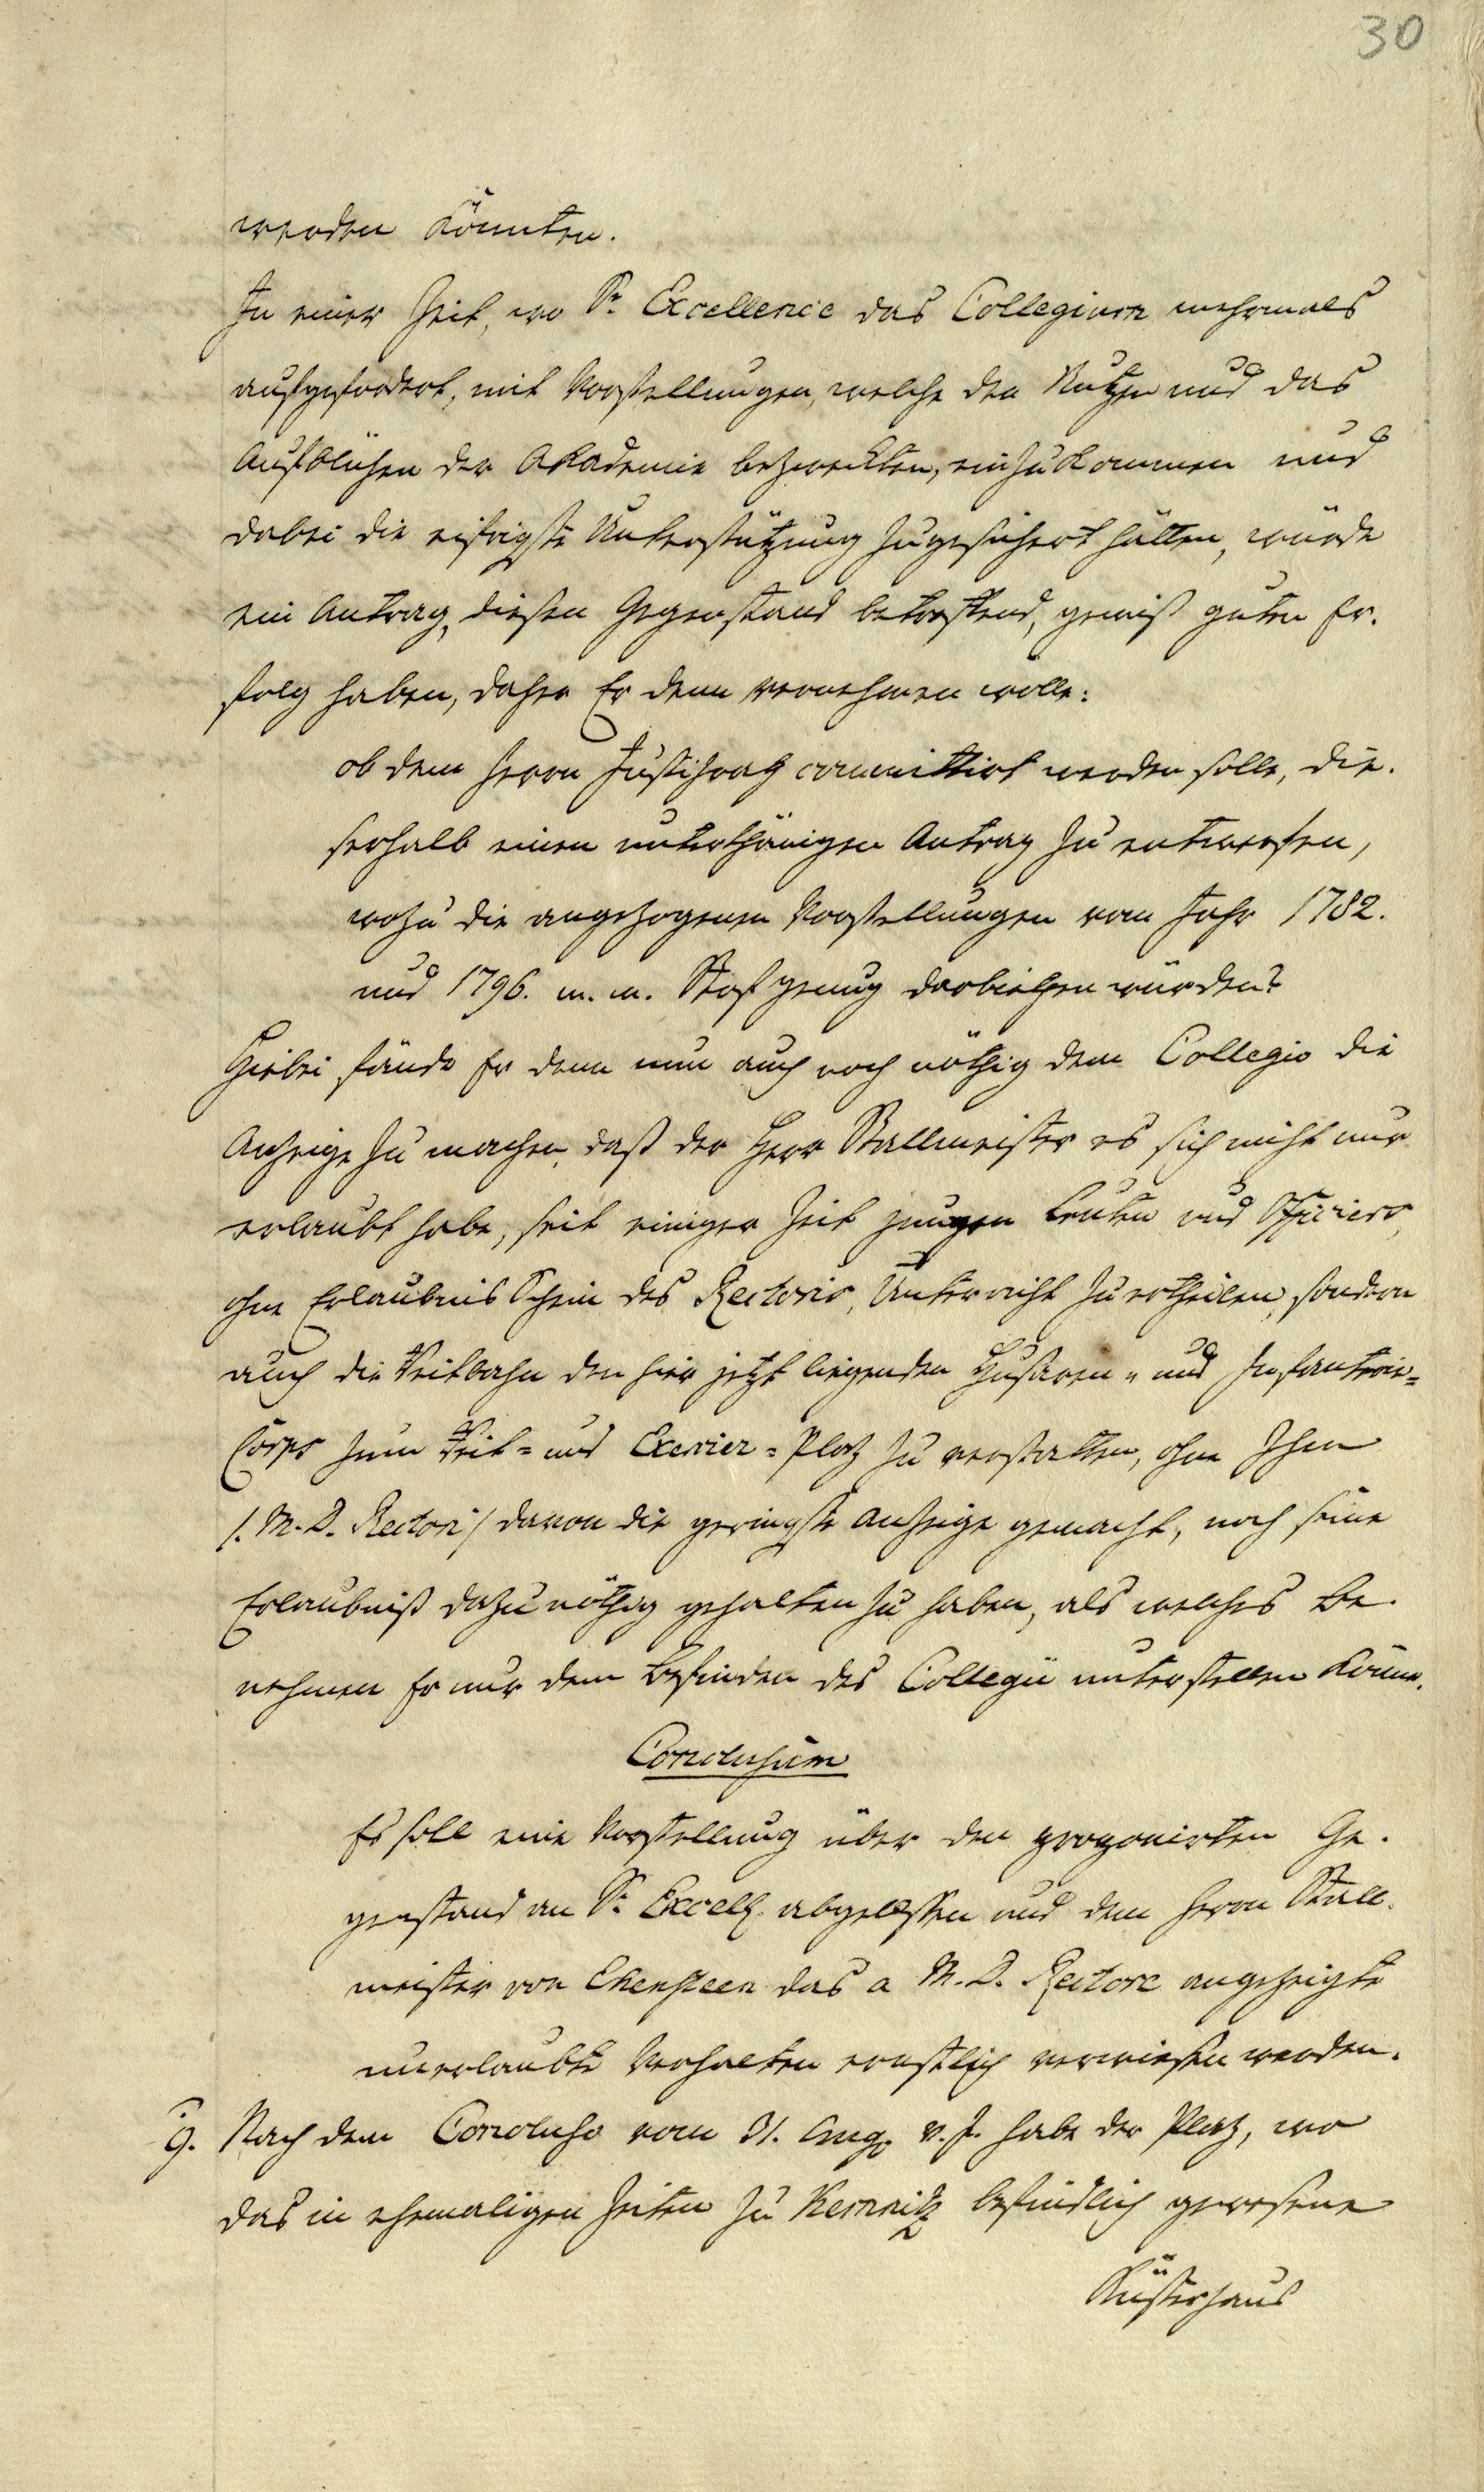werden könnten.
In einer Zeit, wo Sr Excellence das Collegium mehrmahls
aufgefordert, mit Vorstellungen, welche den Nutzen und das
Aufblühen der Akademie bezweckten, einzukommen und
dabei die eifrigste Unterstützung zugesichert hätten, würde
ein Antrag, diesen Gegenstand betreffend, gewiß guten Er¬
folg haben, daher Er denn vernehmen wolle:
ob dem Herrn Justizrath committirt werden solle, die¬
serhalb einen unterthänigen Antrag zu entwerfen,
wozu die angezogenen Vorstellungen vom Jahr 1782.
und 1796. m. m. Stof genug darbiethen würden?
Hiebei fände Er denn nun auch noch nöthig dem Collegio die
Anzeige zu machen, daß der Herr Stallmeister es sich nicht nur
erlaubt habe, seit einiger Zeit jungen Leuten und Officiers,
ohne Erlaubnis Schein des Rectoris, Unterricht zu ertheilen, sondern
auch die Reitbahn den hier jetzt liegenden Husaren, und Infanterie-
Corps zum Reit- und Exercier-Platz zu verstatten, ohne Ihm
/. M. D. Rectori/ davon die geringste Anzeige gemacht, noch seine
Erlaubniß dazu nöthig gehalten zu haben, als welches Be¬
nehmen Er nur dem Befinden des Collegii unterstellen könne.
Conclusum
Es soll eine Vorstellung über den proponirten Ge¬
genstand an Sr Excell abgelassen und dem Herrn Stall¬
meister von Ekensteen das a M. D. Rectore angezeigte
unerlaubte Verhalten ernstlich verwiesen werden.
9. Nach dem Concluso vom 31. Aug. v. J. habe der Plaz, wo
das in ehemaligen Zeiten zu Kemnitz befindlich gewesene
Küsterhaus